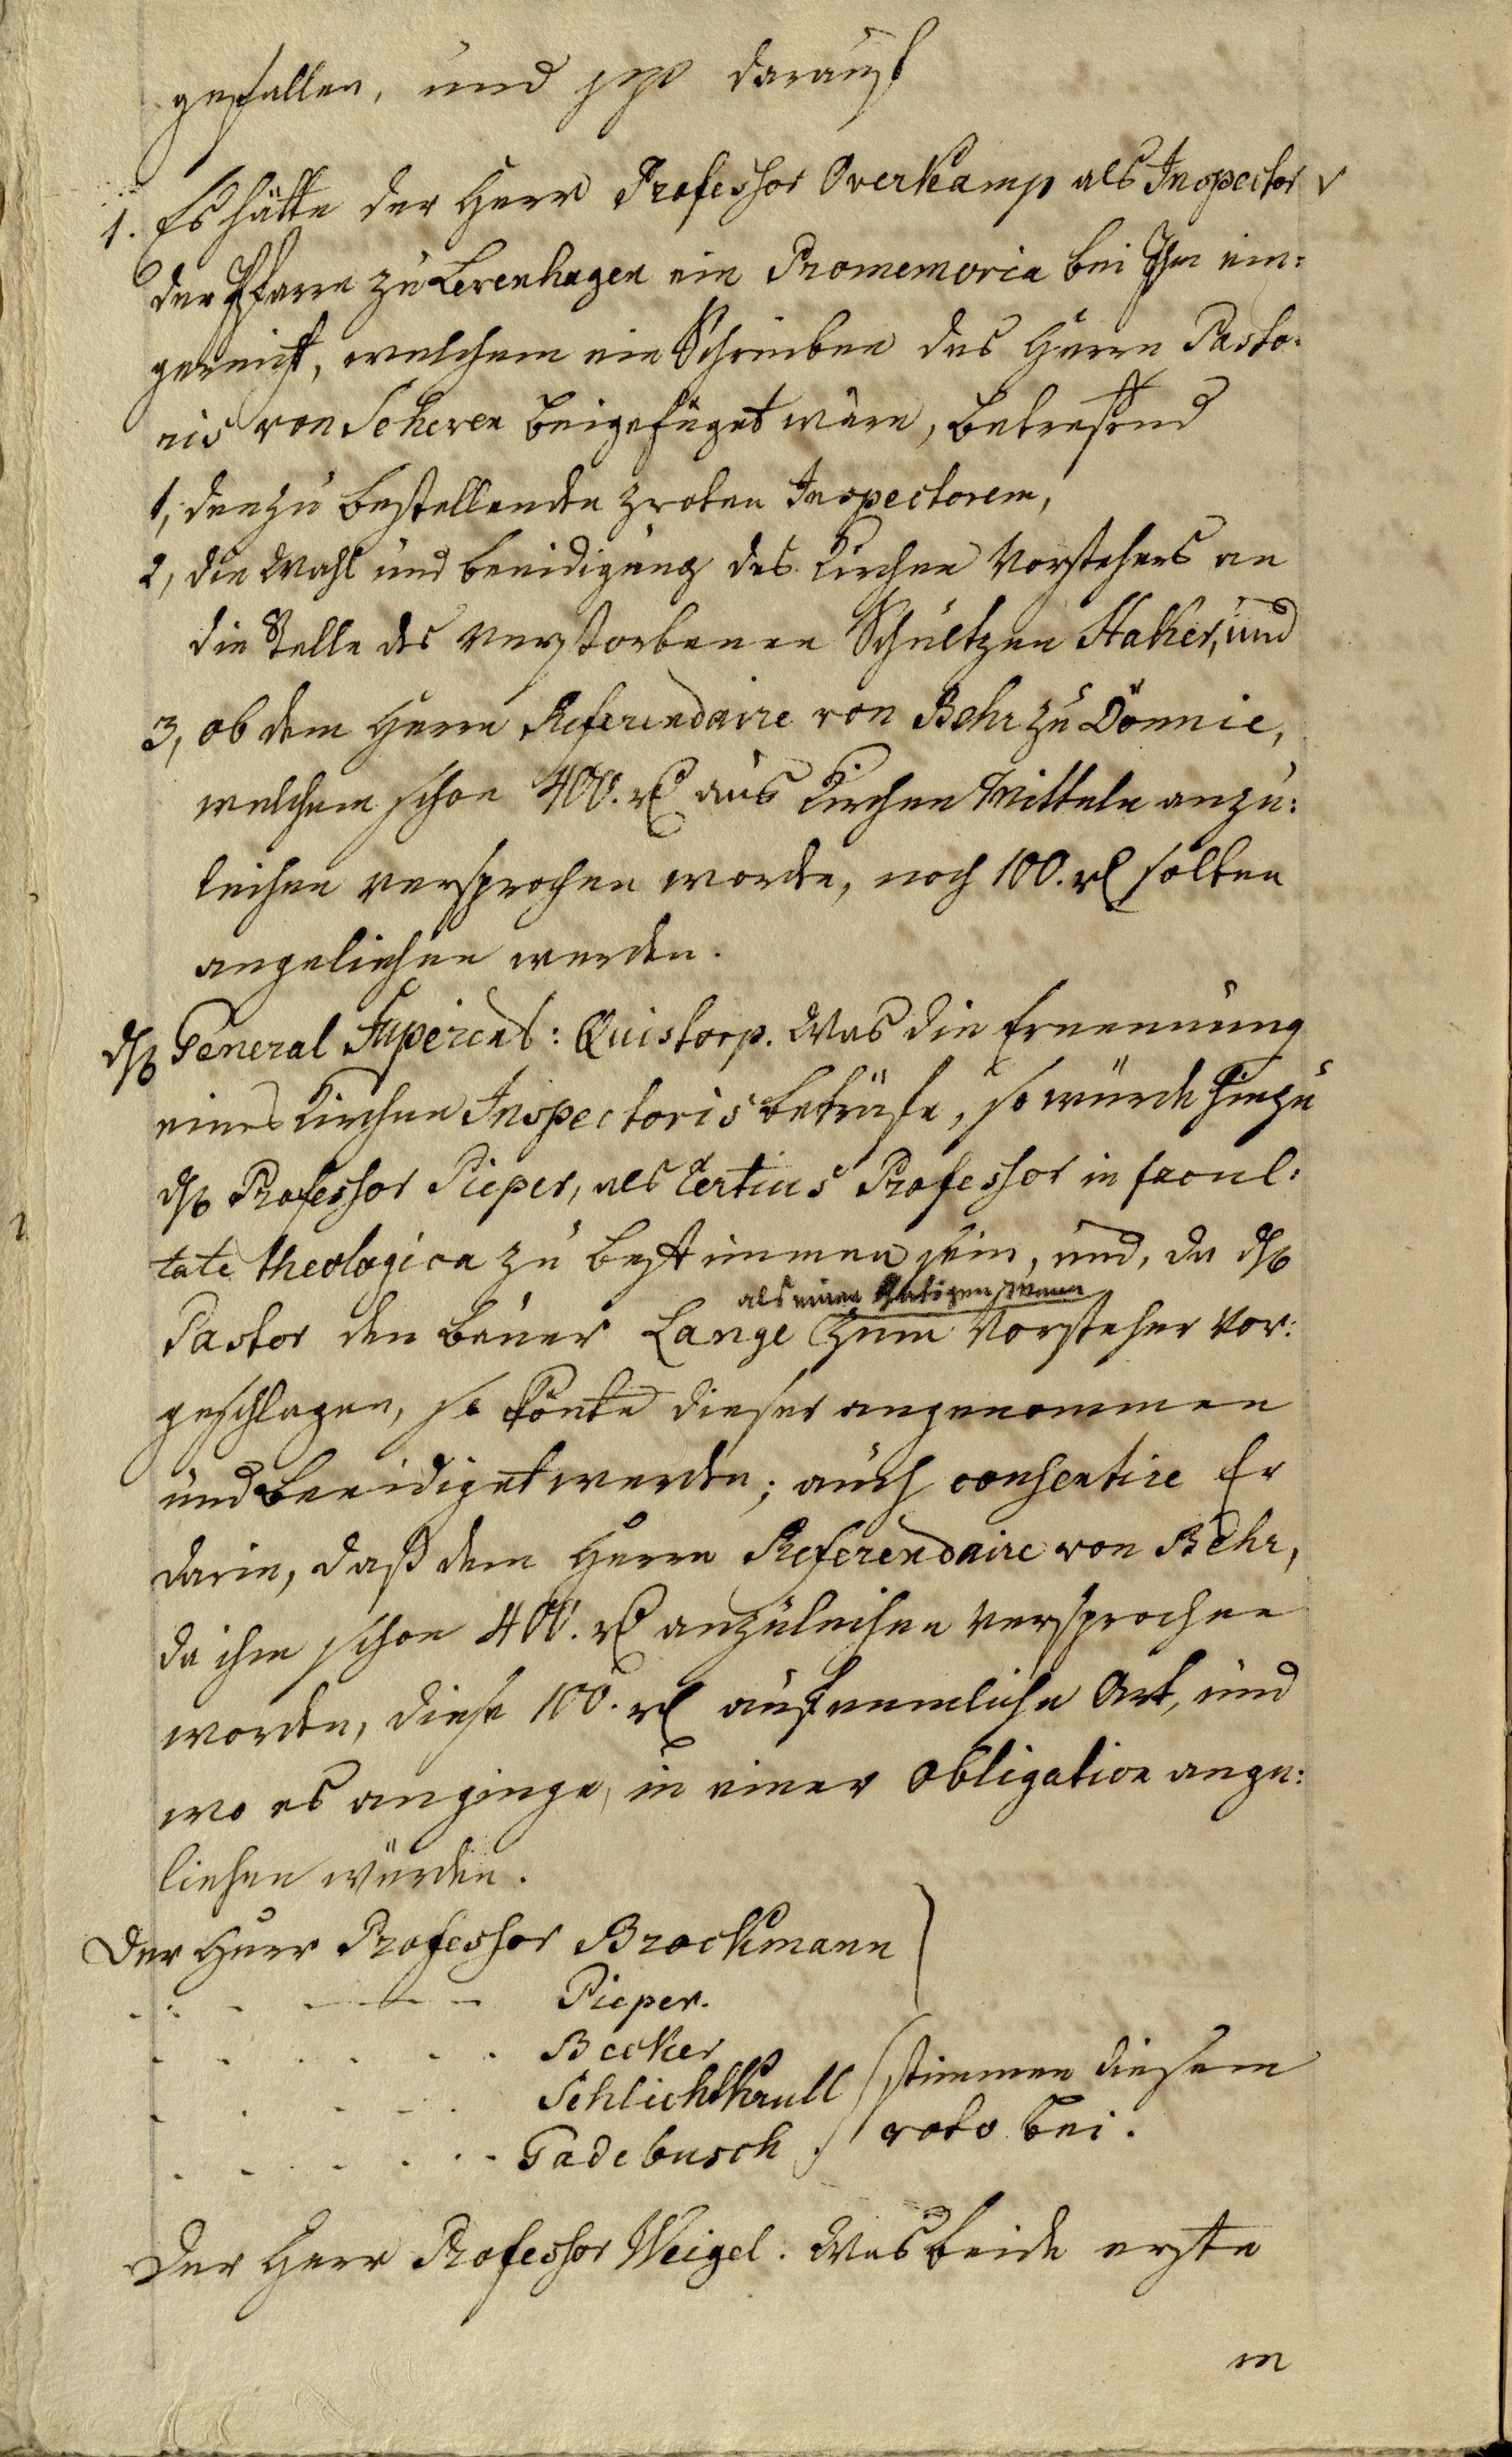gefallen, und jezo darauf
1. Es hätte der Herr Professor Overkamp als Inspector
der Pfarre zu Levenhagen ein Promemoria bei Ihm ein¬
gereicht, welchem ein Schreiben des Herrn Pasto¬
ris von Scheven beigefüget wäre, betreffend
1, den zu bestellenden zwoten Inspectorem,
2, die Wahl und Beeidigung des Kirchen Vorstehers an
die Stelle des verstorbenen Schultzen Haker, und
3, ob dem Herrn Referendaire von Behr zu Dönnie,
welchem schon 400. r. aus Kirchen Mitteln anzu¬
leihen versprochen worden, noch 100. rt solten
angeliehen werden.
dh General Superint. Quistorp. Was die Ernennung
s Kirchen Inspectoris beträfe, so würde hiezu
dh Professor Pieper, als tertius Professor in facul¬
tate theologica zu bestimmen sein, und, da dh
Pastor den Bauer Lange als einen thätigen Mann zum Vorsteher vor¬
geschlagen, so könte dieser angenommen
und beeidiget werden, auch consentire Er
darin, daß dem Herrn Referendaire von Behr,
da ihm schon 400. r anzuleihen versprochen
worden, diese 100 rl auf nemliche Art, und
wo es anginge, in einer Obligation ange¬
liehen würden.
der Herr Professor Brockmann
Pieper.
Becker
stimmen diesem
voto bei.
Schlichtkrull
Gadebusch
Der Herr Professor Weigel. Was beide erste